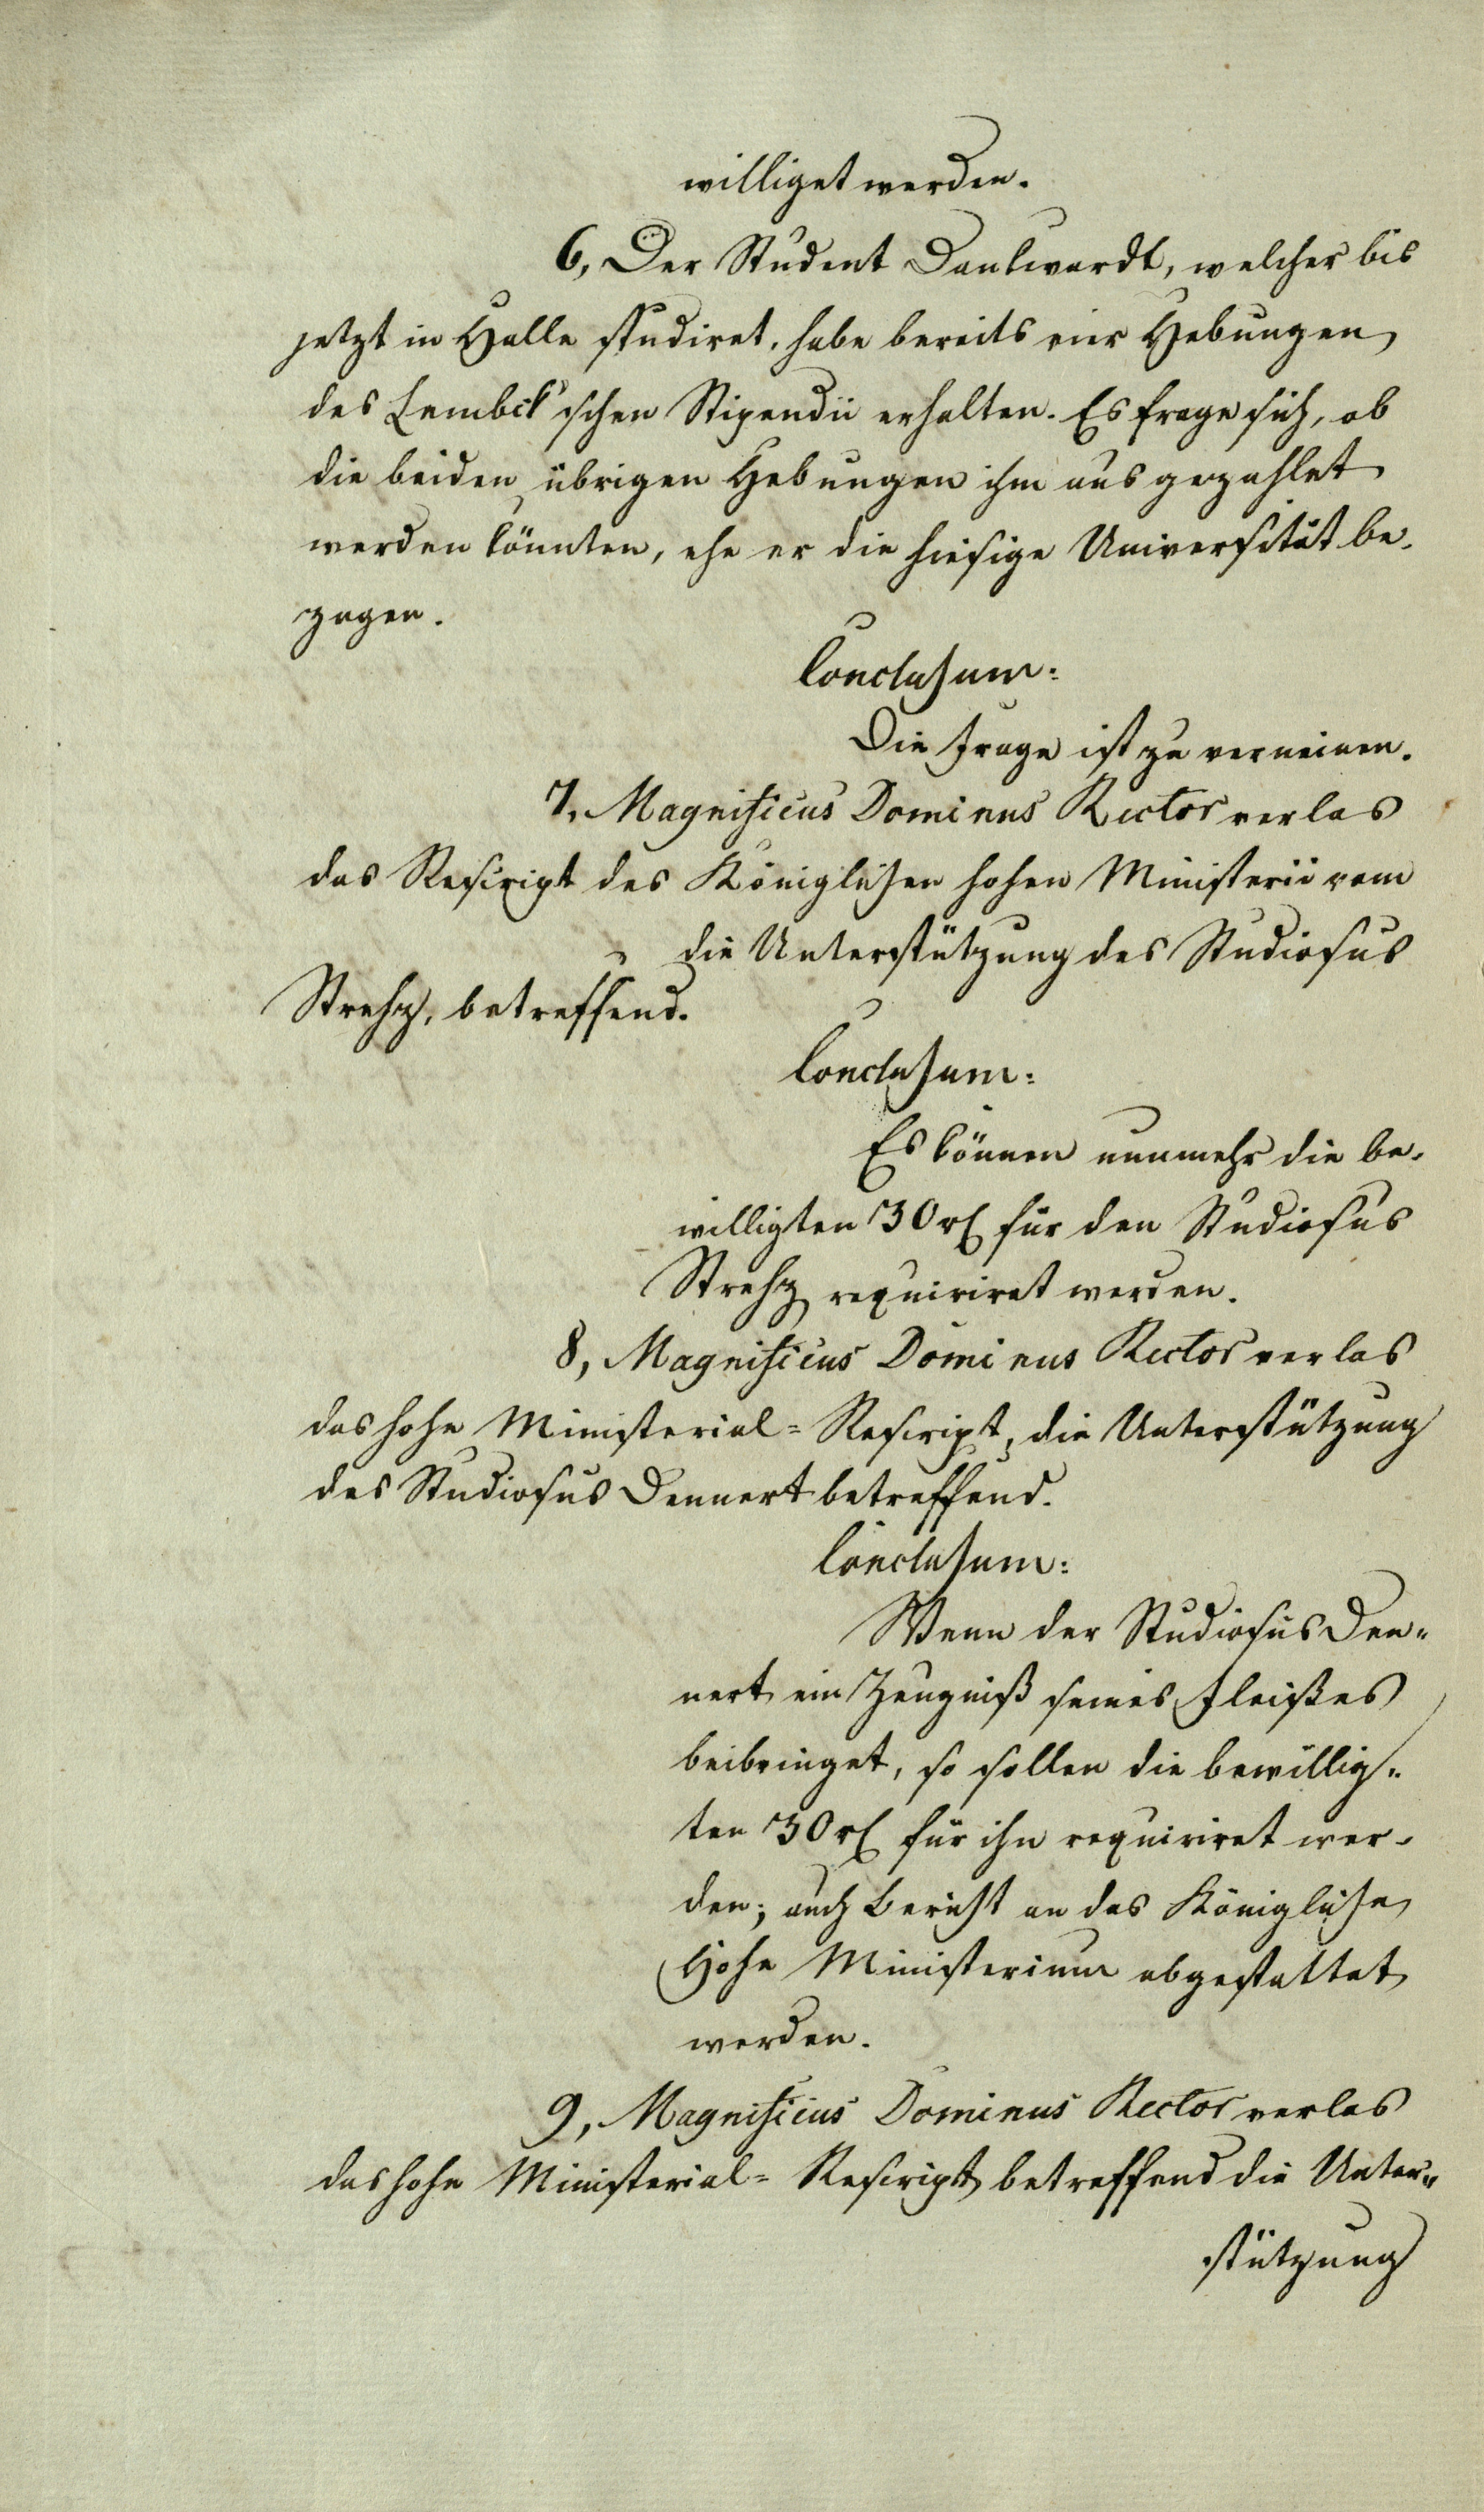williget werden.
6, Der Student Dankwardt, welcher bis
jetzt in Halle studiret, habe bereits vier Hebungen
des Lembck'schen Stipendii erhalten. Es frage sich, ob
die beiden übrigen Hebungen ihm ausgezahlet
werden könnten, ehe er die hiesige Universität be¬
zogen.
Conclusum:
Die Frage ist zu verneinen.
7, Magnificus Dominus Rector verlas
das Rescript des Königlichen hohen Ministerii vom
die Unterstützung des Studiosus
Strehz, betreffend.
Conclusum:
Es können nunmehr die be¬
willigten 30 r für den Studiosus
Strehz requiriret werden.
8, Magnificus Dominus Rector verlas
das hohe Ministerial-Rescript, die Unterstützung
des Studiosus Dennert betreffend.
Conclusum:
Wenn der Studiosus Den¬
nert ein Zeugniß seines Fleißes
beibringet, so sollen die bewillig¬
ten 30 r für ihn requiriret wer¬
den; auch Bericht an das Königliche
Hohe Ministerium abgestattet
werden.
9, Magnificus Dominus Rector verlas
das hohe Ministerial-Rescript betreffend die Unter¬
stützung